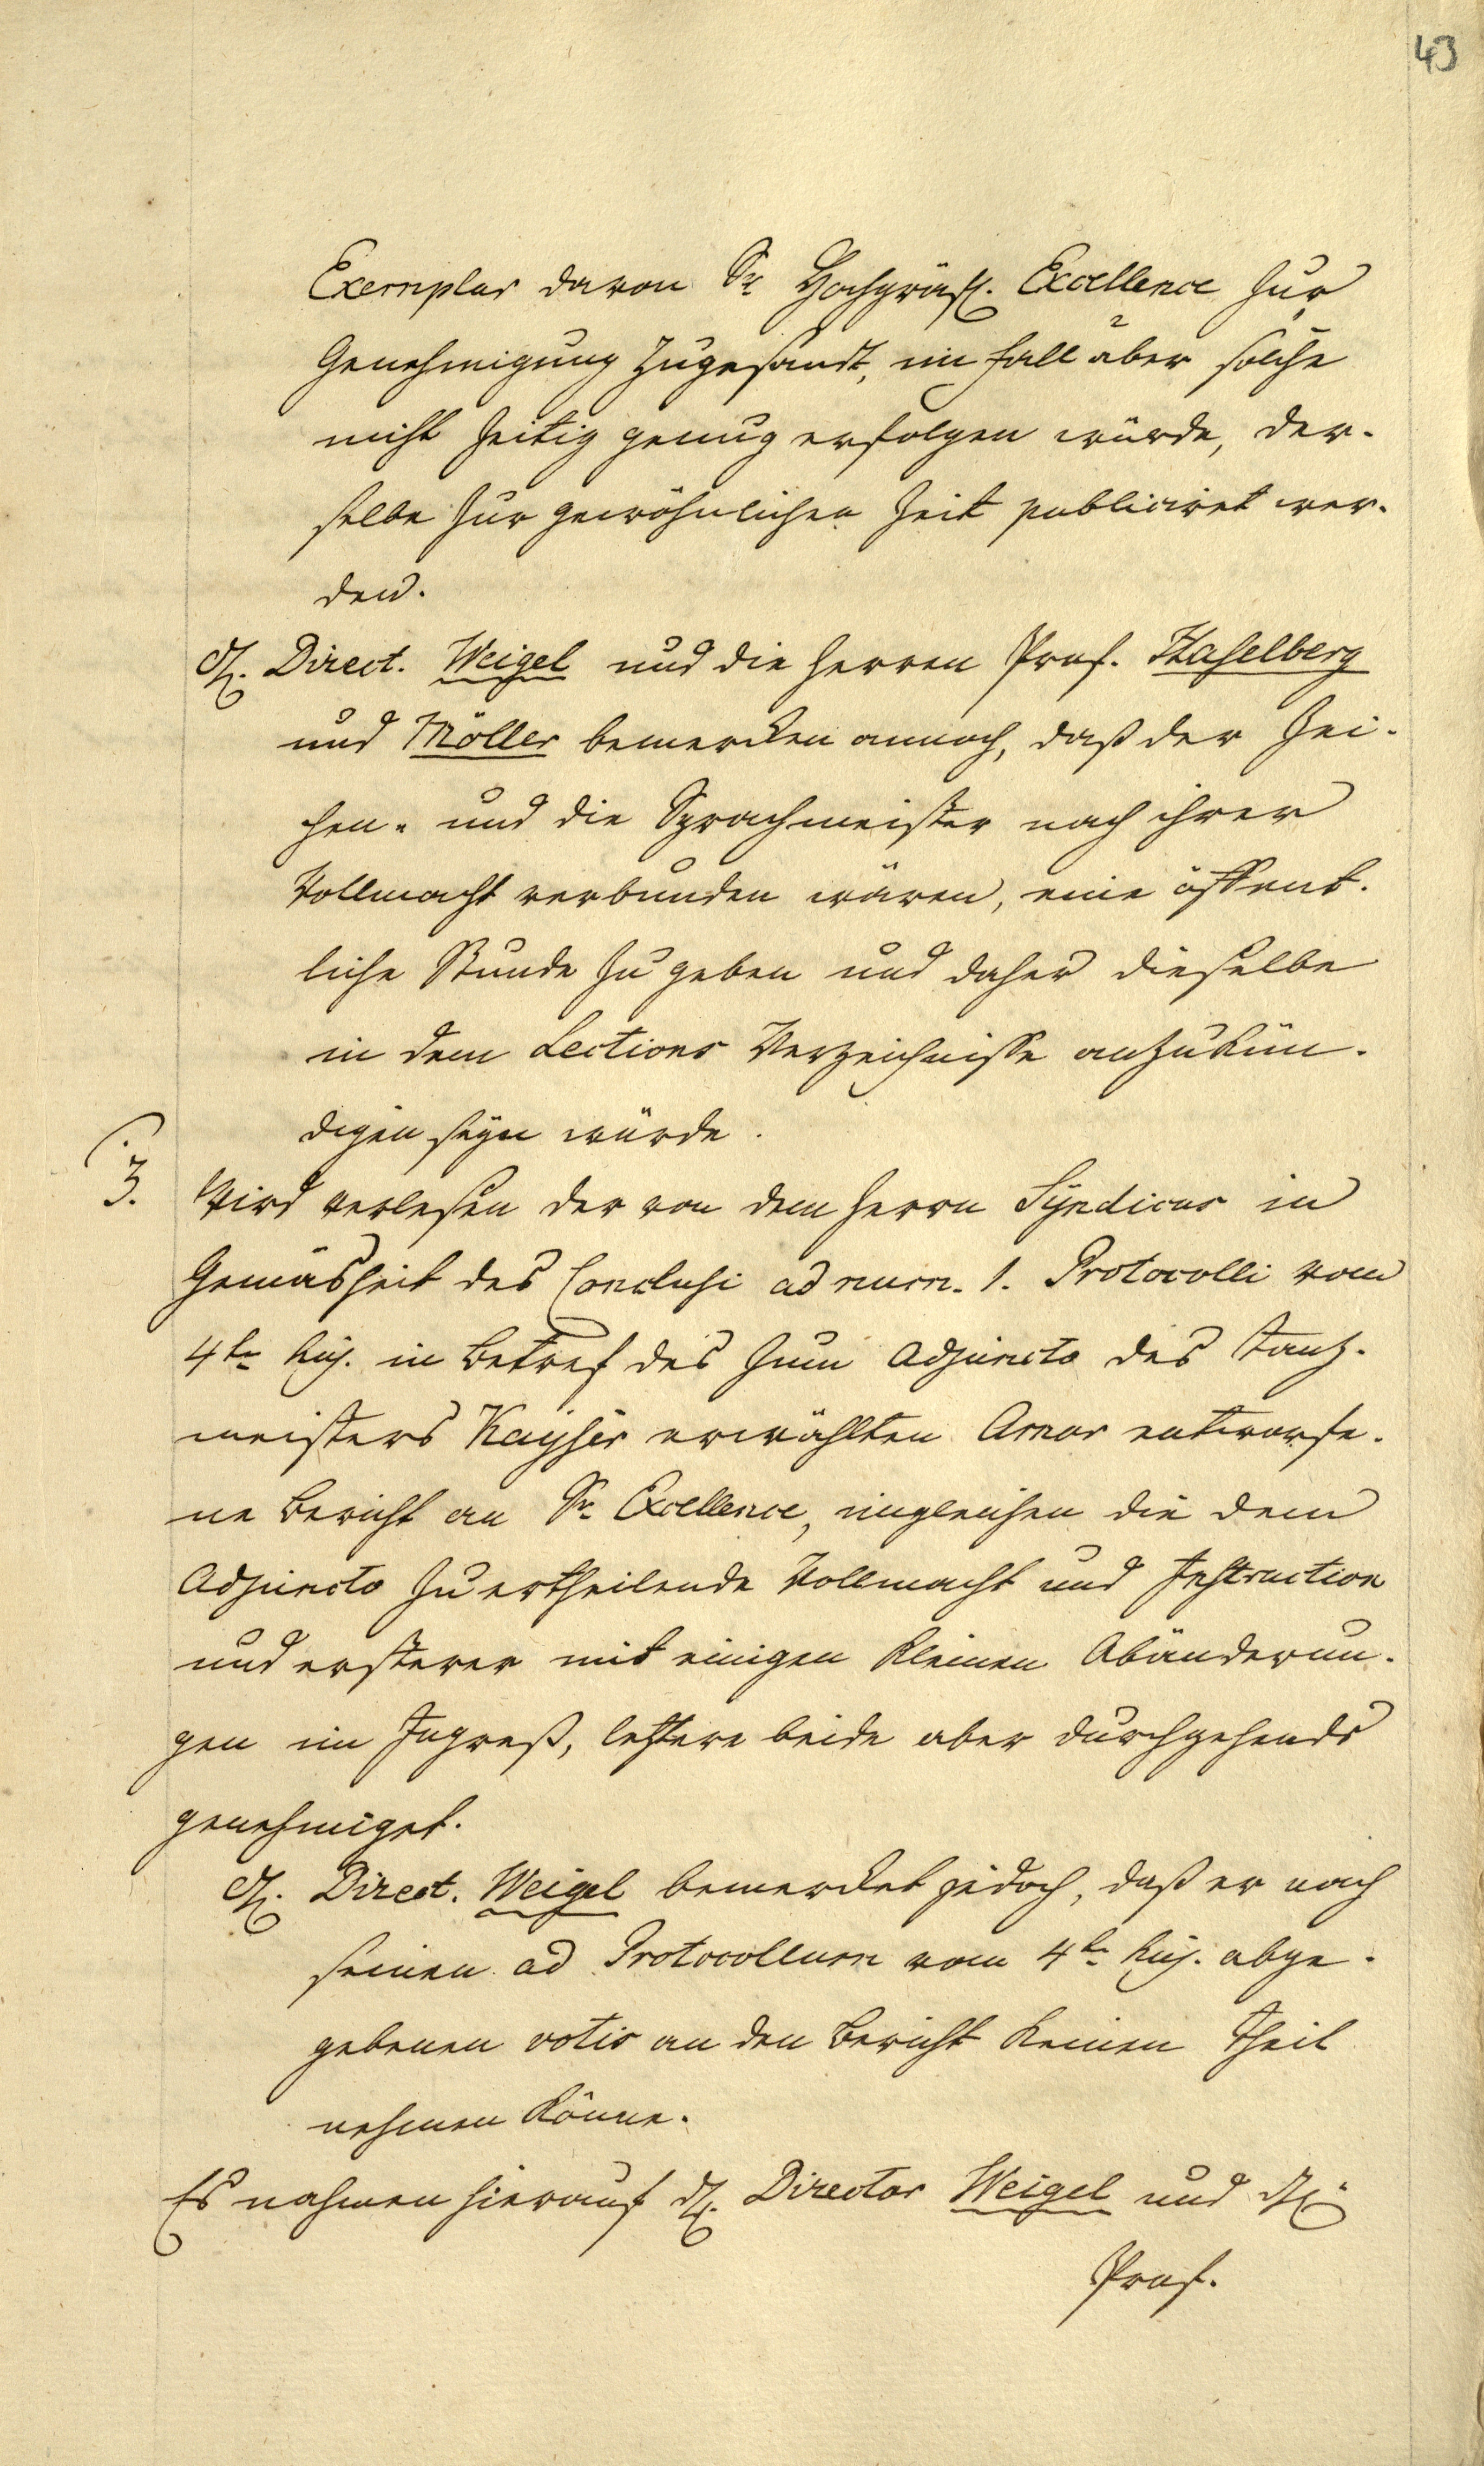Exemplar davon Sr. Hochgräfl. Excellence zur
Genehmigung zugesandt, im Fall aber, solche
nicht zeitig genug erfolgen würde, der-
selbe zur gewöhnlichen Zeit publiciret wer-
den.
dh. Direct. Weigel und die herren Prof. Haselberg
und Möller bemerken annoch, daß der Zei-
chen- un ddie Sprachmeister nach ihrer
Vollmacht verbunden wären, eine öffent-
liche Stunde zu geben und daher dieselbe
in dem Lecitons Verzeichnisse anzukün-
digen seyn würde.
3. Wird verlesen der von dem herrn Syndicus in
Gemäsheit des Conclusi ad num. 1. Protocolli vom
4ten huj. in Betref des zum Adjuncto des Tanz-
meisters Kayser erwählten Amor entworfe-
ne Bericht an Sr. Excellence, im gleichen die dem
Adjuncto zu ertheilenden Vollmacht und Instruction
und ersterer mit einigen kleinen Abänderun-
gen im Ingreß, letztere beide aber durchgehende
genehmiget.
dh. Direct. Weigel bemerket jedoch, daß er nach
seinen ad protocollum vom 4ten huj. abge-
gebenen votis an den Bericht keinen Theil
nehmen könne.
Es nahmen hierauf dh. Director Weigel und dh.
Prof.